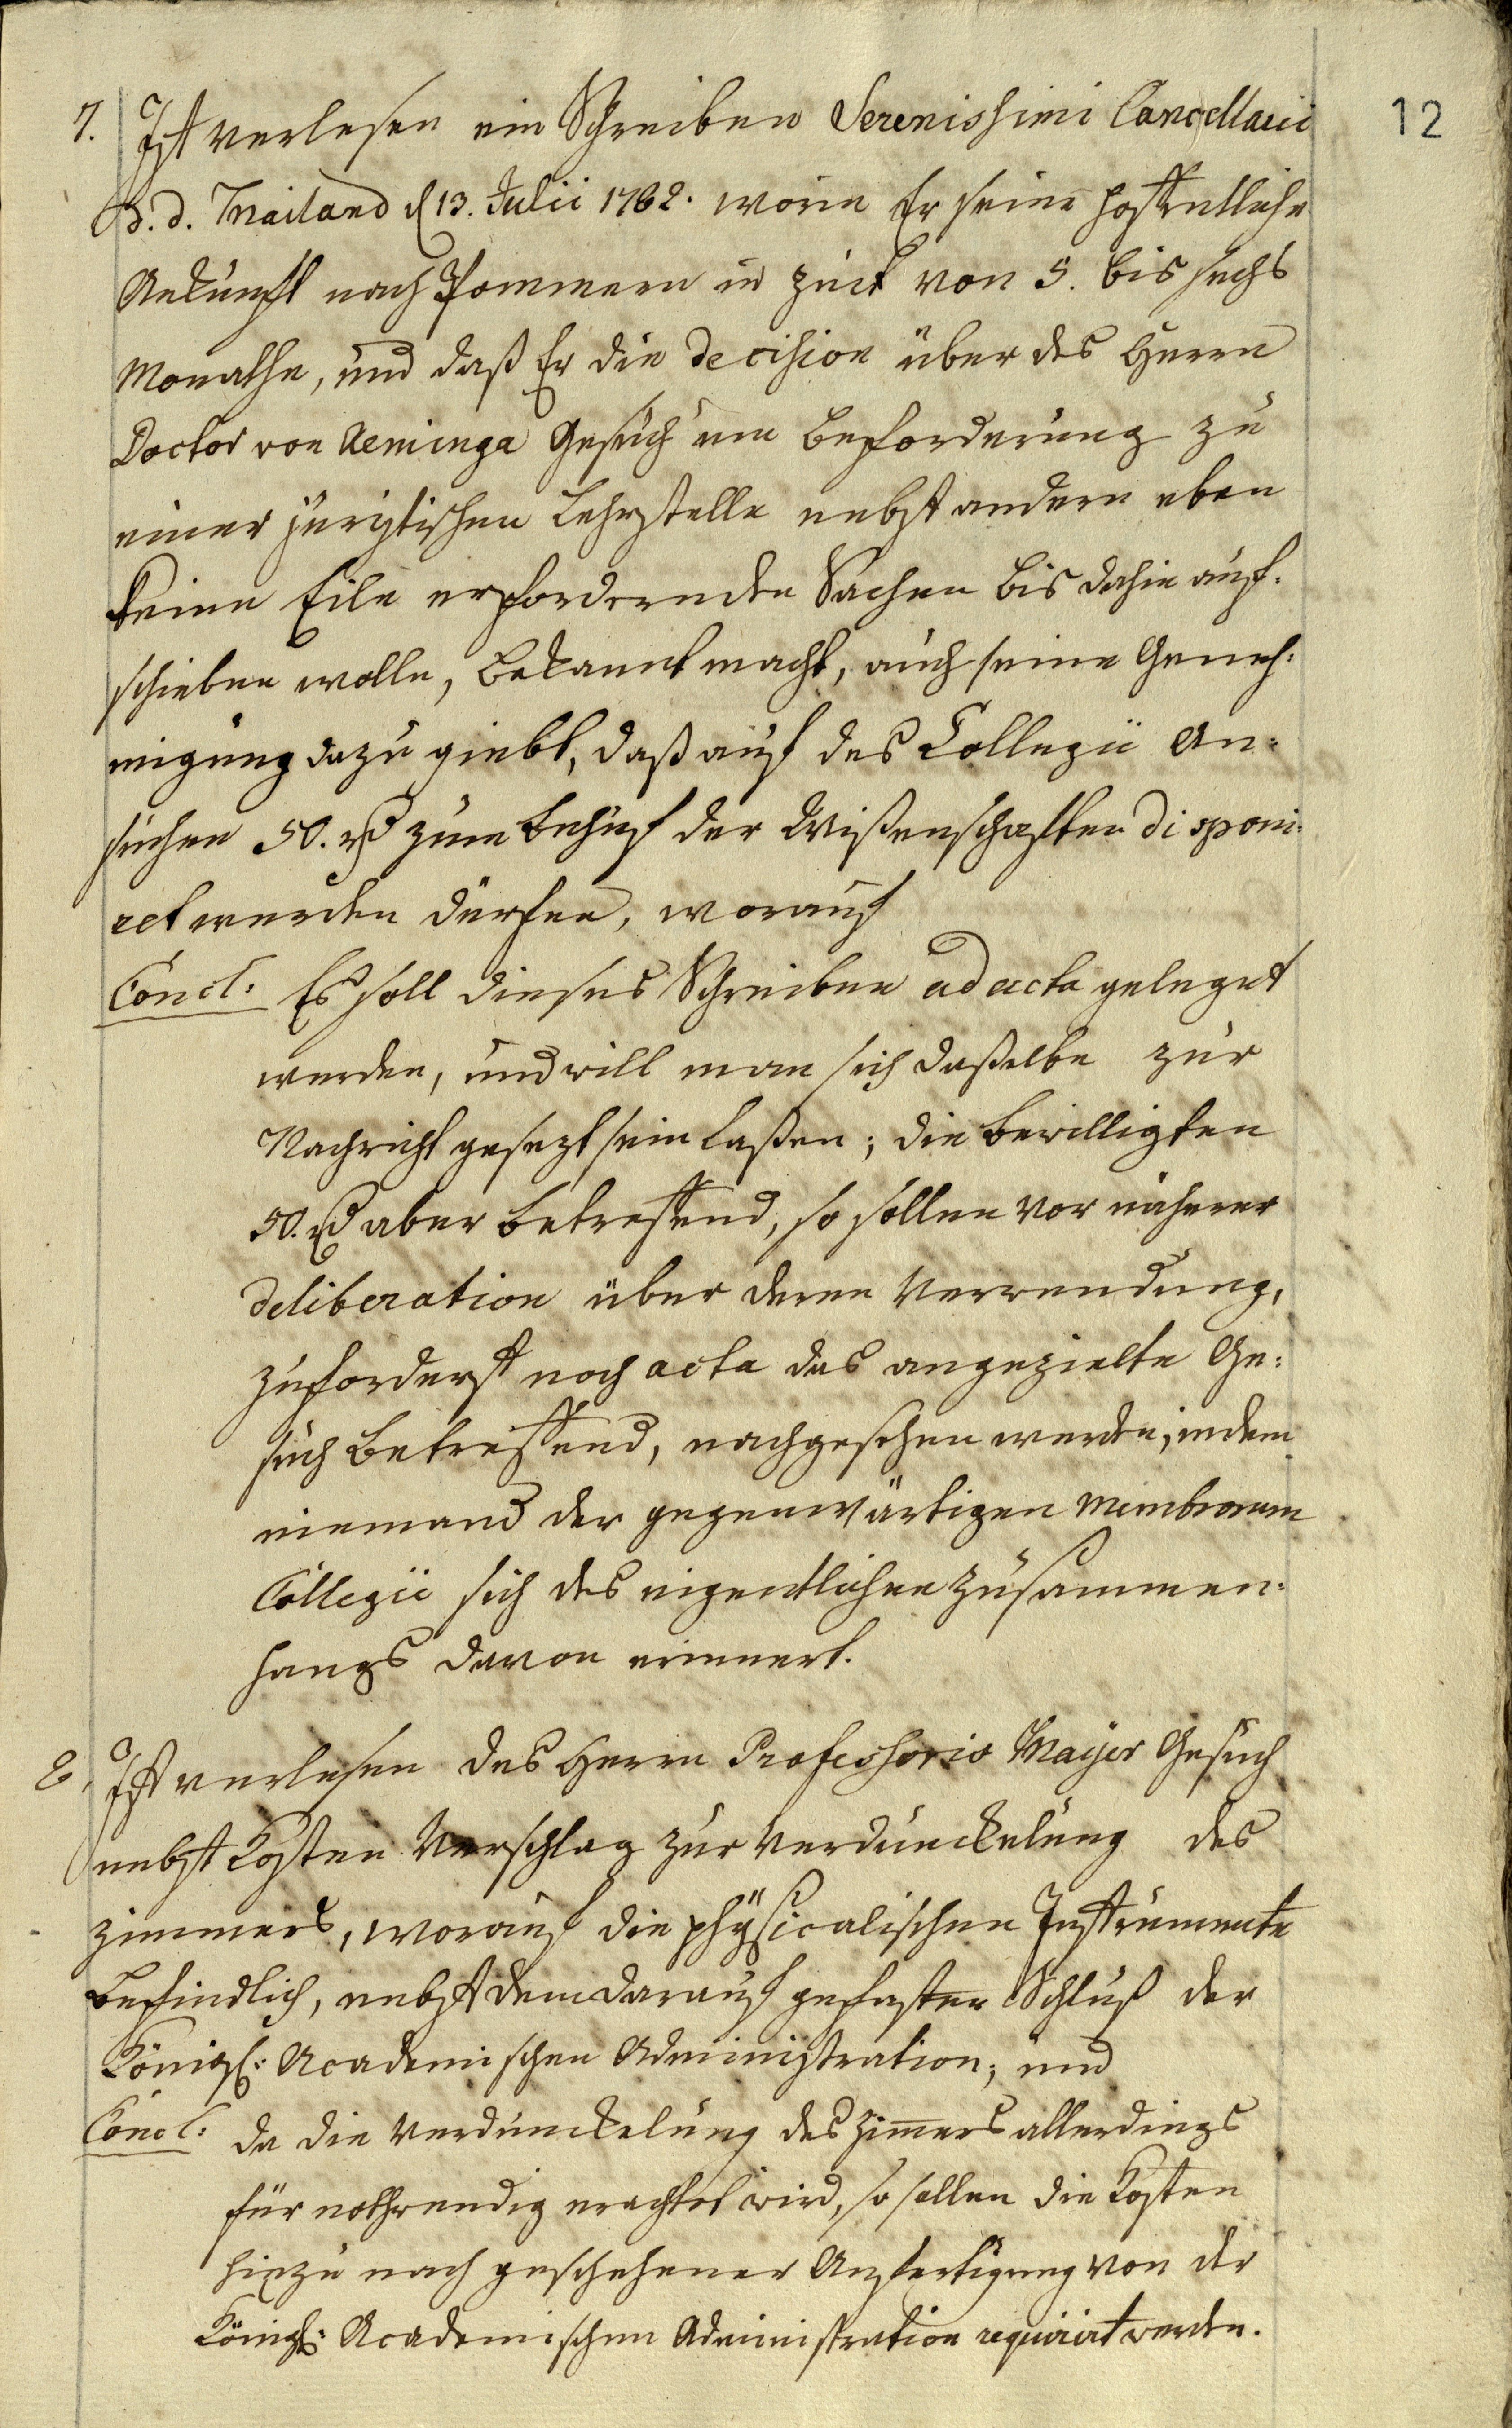7. Ist verlesen ein Schreiben Serenissimi Cancellarii
d. d. Mailand d. 13. Julii 1782. worin Er seine hoffentliche
Ankunft nach Pommern in zeit von 5. bis sechs
Monathe, und daß Er die decision über des Herrn
Doctor von Aeminga Gesuch um Beforderung zu
einer juristischen Lehrstelle nebst andern eben
keine Eile erfordernden Sachen bis dahin auf¬
schieben wolle, bekannt macht, auch seine Geneh¬
migung dazu giebt, daß auf des Collegii An¬
suchen 50. r. zum Behuf der Wissenschaften disponi¬
ret werden dürfen, worauf
Concl. Es soll dieses Schreiben ad acta geleget
werden, und will man sich daßelbe zur
Nachricht gesezt sein lassen; die bewilligten
50 r. aber betreffend, so sollen vor näherer
deliberation über deren Verwendung,
zuforderst noch acta das angezielte Ge¬
such betreffend, nachgesehen werden, indem
niemand der gegenwärtigen membrorum
Collegii sich des eigentlichen Zusammen¬
hangs davon erinnert.
8. Ist verlesen des Herrn Professoris Maÿer Gesuch
nebst Kosten Vorschlag zur Verdunckelung des
Zimmers, worauf die physicalischen Instrumente
befindlich, nebst dem darauf gefasten Schluß der
Königl. Academischen Administration; und
Concl. Da die Verdunckelung des Zimmers allerdings
für nothwendig erachtet wird, so sollen die Kosten
hiezu nach geschehener Anfertigung von der
Königl. Academischen Administration requirirt werden.